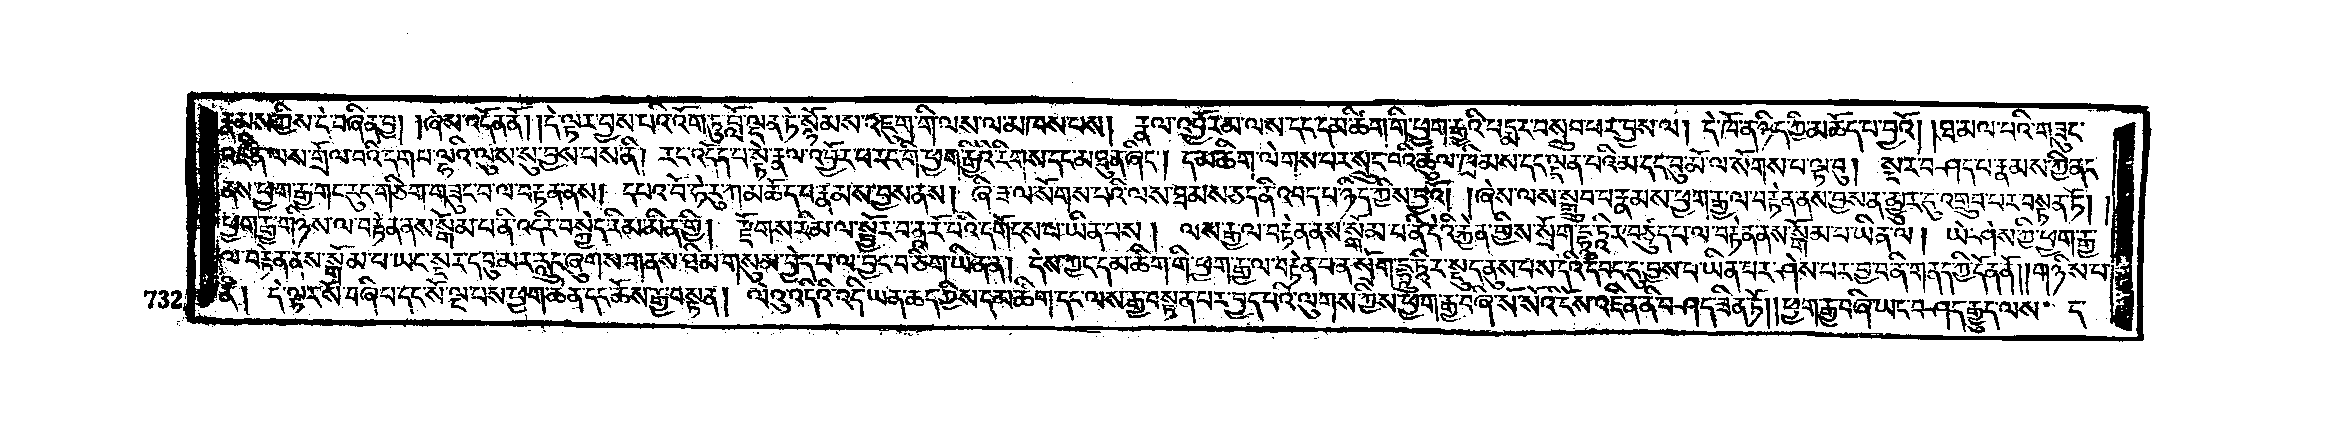རྣམས་ཀྱིས་དེ་བཞིན་བྱ། །ཞེས་འདོན་ནོ། །དེ་ལྟར་བྱས་པའི་འོག་ཏུ་བློ་ལྡན་ཏེ་སྙོམས་འཇུག་གི་ལས་ལ་མཁས་པས། རྣལ་འབྱོར་མ་ལས་དང་དམ་ཚིག་གི་ཕྱག་རྒྱའི་པདམར་བསྲུབ་པར་བྱས་ལ། དེ་ཁོ་ན་ཉིད་ཀྱི་མཆོད་པ་བྱའོ། །ཐ་མལ་པའི་གཟུང་
འཛིན་ལམ་གྲོལ་བའི་དག་པ་ལྷའི་ལུས་སུ་བྱས་པས་ནི། རང་འདོད་པ་སྟེ་རྣལ་འབྱོར་པ་རང་གི་ཕྱག་རྒྱའི་རིགས་དང་མཐུན་ཞིང་། དམ་ཚིག་ལེགས་པར་སྲུང་བའི་ཚུལ་ཁྲིམས་དང་ལྡན་པའི་མ་དང་བུ་མོ་ལ་སོགས་པ་ལྟ་བུ། སྔར་བཤད་པ་རྣམས་ཀྱི་ནང་
ནས་ཕྱག་རྒྱ་གང་རུང་གཅིག་གཟུང་བ་ལ་བརྟན་ནས། དཔའ་བོ་ཧེ་རུ་ཀ་མཆོད་པ་རྣམས་བྱས་ནས། ཞི་བ་ལ་སོགས་པའི་ལས་ཐམས་ཅད་ནི་འབད་པ་ཉིད་ཀྱིས་བྱའོ། །ཞེས་ལས་སྒྲུབ་པ་རྣམས་
ཕྱག་རྒྱ་ལ་བརྟེན་ནས་བྱས་ན་མྱུར་དུ་འགྲུབ་པར་བསྟན་ཏོ། །
ཕྱག་རྒྱ་གཉིས་ལ་བརྟེན་ནས་སྒོམ་པ་ནི་འདིར་བསྐྱེད་རིམ་མིན་གྱི། རྫོགས་རིམ་ལ་སྦྱོར་བ་ནཱ་རོ་པའི་དགོངས་པ་ཡིན་པས། ལས་རྒྱ་ལ་བརྟེན་ནས་སྒོམ་པ་ནི་དེའི་རྐྱེན་གྱིས་སྲོག་དྷཱུ་ཏཱིར་བཙུད་པ་ལ་བརྟེན་ནས་སྒོམ་པ་ཡིན་ལ། ཡེ་ཤེས་ཀྱི་ཕྱག་རྒྱ་
ལ་བརྟེན་ནས་སྒོམ་པ་ཡང་སྔར་དབུ་མར་རླུང་ཞུགས་གནས་ཐིམ་གསུམ་བྱེད་པ་ལ་བྱང་བ་ཅིག་ཡིན་ན། དེས་ཀྱང་དམ་ཚིག་གི་ཕྱག་རྒྱ་ལ་བརྟེན་པ་ན་སྲོག་དྷཱུ་ཏཱིར་སྡུད་ནུས་པས་དེའི་དབང་དུ་བྱས་པ་ཡིན་པར་ཤེས་པར་བྱ་བ་ནི་གནད་ཀྱི་དོན་ནོ། །གཉིས་པ་
ནི། དེ་ལྟར་སོ་བཞི་པ་དང་སོ་ལྔ་པས་ཕྱག་ཆེན་དང་ཆོས་རྒྱ་བསྟན། ལེའུ་འདིའི་འདི་ཡན་ཆད་ཀྱིས་དམ་ཚིག་དང་ལས་རྒྱ་བསྟན་པར་བྱེད་པའི་ལུགས་ཀྱིས་ཕྱག་རྒྱ་བཞི་སོ་སོའི་ངོས་འཛིན་ནི་བཤད་ཟིན་ཏོ། །ཕྱག་རྒྱ་བཞི་ཡང་བཤད་རྒྱུད་ལས། དོ་